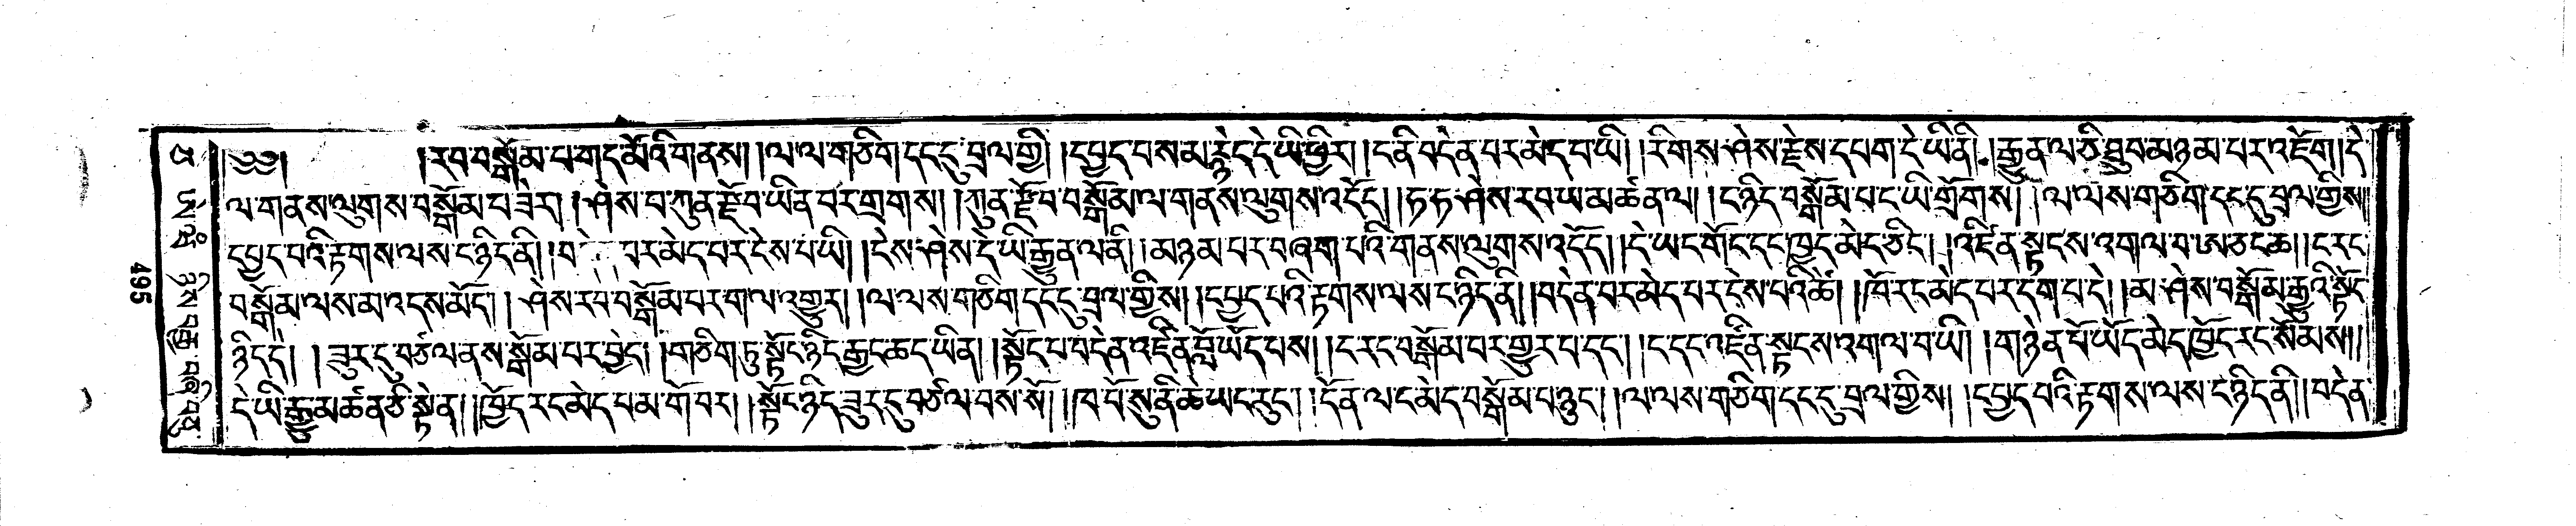༄༅། །རབ་བསྒོམ་པ་གད་མོའི་གནས། །ལ་ལ་གཅིག་དང་དུ་བྲལ་གྱི། །དཔྱད་པས་མ་རྙེད་དེ་ཡི་ཕྱིར། །ང་ནི་བདེན་པར་མེད་པ་ཡི། །རིགས་ཤེས་རྗེས་དཔག་དེ་ཡི་ནི། །རྒྱུན་ལ་ཅི་ཐུབ་མཉམ་པར་འཇོག །དེ་
ལ་གནས་ལུགས་བསྒོམ་པ་ཟེར། །ཤེས་པ་ཀུན་རྫོབ་ཡིན་པར་གྲགས། །ཀུན་རྫོབ་བསྒོམ་ལ་གནས་ལུགས་འདོད། །ཧ་ཧ་ཤེས་རབ་ཡ་མཚན་ལ། །ང་ཉིད་བསྒོམ་པ་ང་ཡི་གྲོགས། །ལ་ལས་གཅིག་དང་དུ་བྲལ་གྱིས། །
དཔྱད་པའི་རྟགས་ལས་ང་ཉིད་ནི། །བདེན་པར་མེད་པར་ངེས་པ་ཡི། །ངེས་ཤེས་དེ་ཡི་རྒྱུན་ལ་ནི། །མཉམ་པར་བཞག་པའི་གནས་ལུགས་འདོད། །དེ་ཡང་གོང་དང་ཁྱད་མེད་ཅིང་། །འཛིན་སྟངས་འགལ་བ་ཨ་ཅང་ཆེ། །ང་རང་
བསྒོམ་ལས་མ་འདས་མོད། །ཤེས་རབ་བསྒོམ་པར་ག་ལ་འགྱུར། །ལ་ལས་གཅིག་དང་དུ་བྲལ་གྱིས། །དཔྱད་པའི་རྟགས་ལས་ང་ཉིད་ནི། །བདེན་པར་མེད་པར་ངེས་པའི་ཚེ། །ཁོ་རང་མེད་པར་དག་པ་དེ། །མ་ཤེས་བསྒོམ་རྒྱུའི་སྟོང་
ཉིད་དེ། །ཟུར་དུ་བཙལ་ནས་སྒོམ་པར་བྱེད། །གཅིག་ཏུ་སྟོང་ཉིད་རྒྱང་ཆད་ཡིན། །སྟོང་པ་བདེན་འཛིན་བློ་ཡོད་པས། །ང་རང་བསྒོམ་པར་གྱུར་པ་དང་། །ང་དང་འཛིན་སྟངས་འགལ་བ་ཡི། །གཉེན་པོ་ཡོད་མེད་ཁྱོད་རང་སོམས། །
དེ་ཡི་རྒྱུ་མཚན་ཅི་སྟེ་ན། །ཁྱོད་རང་མེད་པ་མ་གོ་བར། །སྟོང་ཉིད་ཟུར་དུ་བཙལ་བས་སོ། །ཁ་པོ་སུ་ནི་ཆེ ༦ཡང་རུང་། །དོན་ལ་ང་མེད་བསྒོམ་པ་ཉུང་། །ལ་ལས་གཅིག་དང་དུ་བྲལ་གྱིས། །དཔྱད་པའི་རྟགས་ལས་ང་ཉིད་ནི། །བདེན་